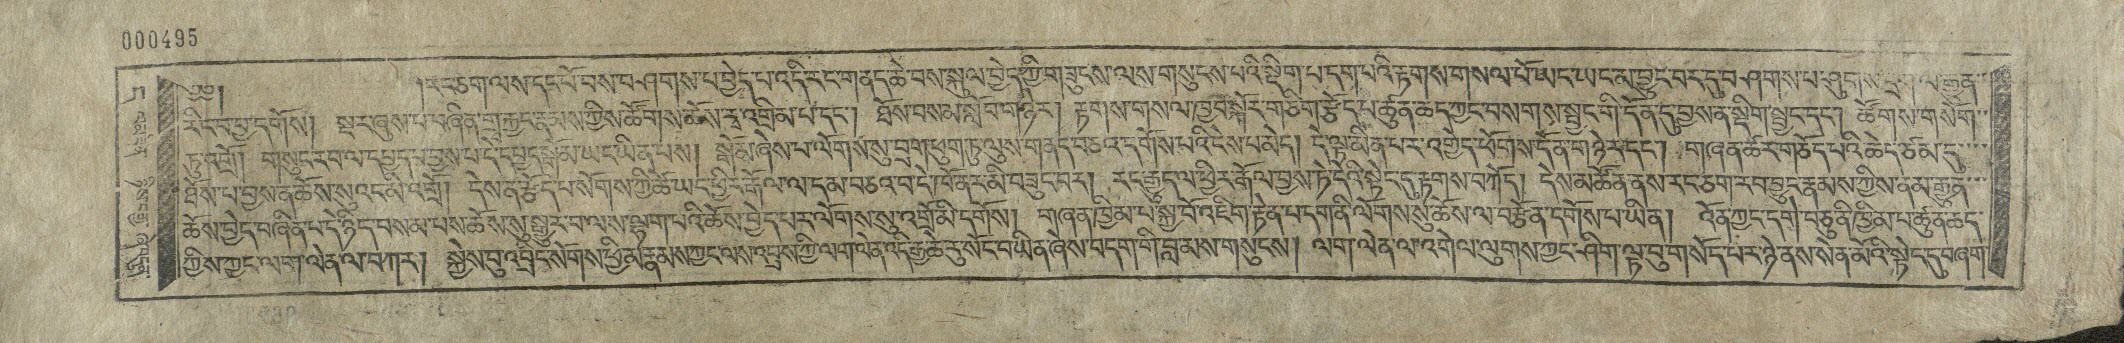༄༅། །རང་ཅག་ལས་དང་པོ་བས་བཤགས་པ་བྱེད་པ་འདི་རང་གནད་ཆེ་བས་སྐུལ་བྱེད་ཀྱི་གཟུངས་ལས་གསུངས་པའི་སྡིག་པ་དག་པའི་རྟགས་གསལ་པོ་ཡང་ཡང་མ་བྱུང་བར་དུ་བཤགས་པ་ཤུགས་དྲག་ལ་རྒྱུན་
རིང་བ་བྱ་དགོས། སྔར་ཞུས་པ་བཞིན་གྲྭ་རྐྱང་རྣམས་ཀྱིས་ཚོགས་ཆོས་རྭ་འགྲིམ་པ་དང་། ཐོས་བསམ་སློབ་གཉེར། རྟགས་གསལ་ཁྱབ་སྐོར་གཅིག་རྩོད་པ་ཚུན་ཆད་ཀྱང་བསགས་སྦྱང་གི་དོན་དུ་བྱས་ན་སྡིག་སྦྱང་དང་། ཚོགས་གསོག་
ཏུ་འགྲོ། གསུང་རབ་ལ་དཔྱད་པ་བྱས་པ་དེ་དཔྱད་སྒོམ་ཡང་ཡིན་པས། སྒོམ་ཞེས་པ་ལོགས་སུ་བྲག་ཕུག་ཏུ་ལུས་གནད་བཅའ་དགོས་པའི་ངེས་པ་མེད། དེ་ལྟ་མིན་པར་འགྱེད་ཕོགས་དོན་གཉེར་དང་། གཞན་ཚར་གཅོད་པའི་ཆེད་ཙམ་དུ་
ཐོས་པ་བྱས་ན་ཆོས་སུའང་མི་འགྲོ། དེས་ན་རྩོད་པ་སོགས་ཀྱི་ཚེ་ཡང་ཕྱིར་རྒོལ་ལ་དམ་བཅའ་བ་དེ་ཁོ་ནར་མི་བཟུང་བར། རང་རྒྱུད་ལ་ཕྱིར་རྒོལ་བྱས་ཏེ་དེའི་སྟེང་དུ་རྟགས་བཀོད། དེས་མཚོན་ནས་རང་ཅག་རབ་བྱུང་རྣམས་ཀྱིས་ནམ་རྒྱུན་
ཆོས་བྱེད་བཞིན་པ་དེ་ཉིད་བསམ་པས་ཆོས་སུ་སྒྱུར་བ་ལས་ལྷག་པའི་ཆོས་བྱེད་པར་ལོགས་སུ་འགྲོ་མི་དགོས། གཞན་ཁྱིམ་པ་སྐྱ་བོ་འཇིག་རྟེན་པ་དག་ནི་ལོགས་སུ་ཆོས་ལ་བརྩོན་དགོས་པ་ཡིན། འོན་ཀྱང་དགེ་བཅུ་ནི་ཁྱིམ་པ་ཚུན་ཆད་
ཀྱིས་ཀྱང་ལག་ལེན་ལ་བཀར། སྐྱེས་བུ་འབྲིང་སོགས་ཕྱི་མ་རྣམས་ཀྱང་ལས་འབྲས་ཀྱི་ལག་ལེན་འདི་རྒྱ་ཆེ་རུ་སོང་བ་ཡིན་ཞེས་བདག་གི་བླ་མས་གསུངས། ལག་ལེན་ལ་འགེལ་ལུགས་ཀྱང་ཤིག་ལྟ་བུ་གསོད་པར་ཉེ་ནས་སེན་མོའི་སྟེང་དུ་བཞག་